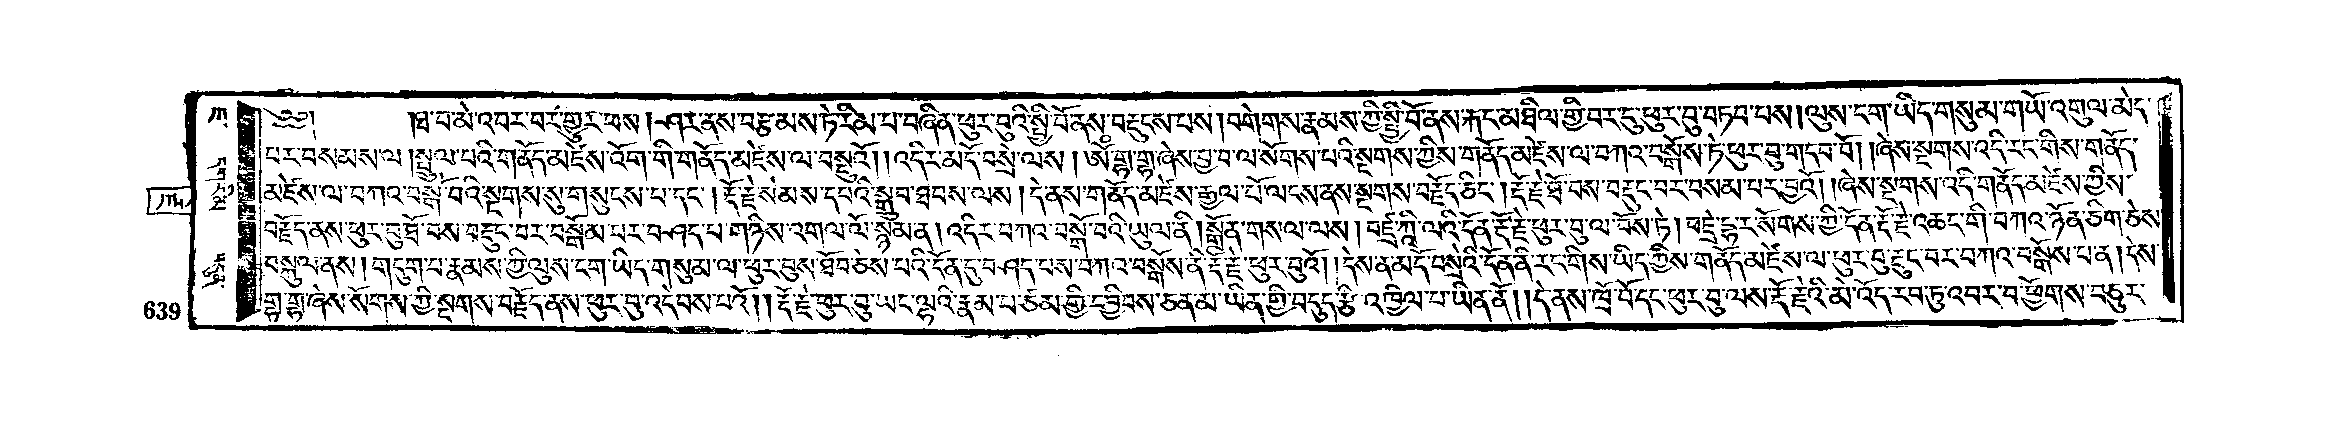༄༅། །ཐ་བ་མེ་འབར་བར་གྱུར་པས། ཤར་ནས་བརྩམས་ཏེ་རིམ་པ་བཞིན་ཕུར་བུའི་སྤྱི་བོ་ནས་བརྡུངས་པས། བགེགས་རྣམས་ཀྱི་སྤྱི་བོ་ནས་རྐང་མཐིལ་གྱི་བར་དུ་ཕུར་བུ་བཏབ་པས། ལུས་ངག་ཡིད་གསུམ་གཡོ་འགུལ་མེད་
པར་བསམས་ལ། སྤྲུལ་པའི་གནོད་མཛེས་འོག་གི་གནོད་མཛེས་ལ་བསྡུའོ། །འདིར་མདོ་བསྲེ་ལས། ཨོཾ་གྷ་གྷ་ཞེས་བྱ་བ་ལ་སོགས་པའི་སྔགས་ཀྱིས་གནོད་མཛེས་ལ་བཀའ་བསྒོས་ཏེ་ཕུར་བུ་གདབ་བོ། །ཞེས་སྔགས་འདི་རང་གིས་གནོད་
མཛེས་ལ་བཀའ་བསྒོ་བའི་སྔགས་སུ་གསུངས་པ་དང་། རྡོ་རྗེ་སེམས་དཔའི་སྒྲུབ་ཐབས་ལས། དེ་ནས་གནོད་མཛེས་རྒྱལ་པོ་ལངས་ནས་སྔགས་བརྗོད་ཅིང་། རྡོ་རྗེ་ཐོ་བས་བརྡུང་བར་བསམ་པར་བྱའོ། །ཞེས་སྔགས་འདི་གནོད་མཛེས་ཀྱིས་
བརྗོད་ནས་ཕུར་བུ་ཐོ་བས་བརྡུང་བར་བསྒོམ་པར་བཤད་པ་གཉིས་འགལ་ལོ་སྙམ་ན། འདིར་བཀའ་བསྒོ་བའི་ཡུལ་ནི། སྒྲོན་གསལ་ལས། བཛྲ་ཀཱི་ལའི་དོན་རྡོ་རྗེ་ཕུར་བུ་ལ་བོས་ཏེ། བཛྲེ་དྷ་ར་སོགས་ཀྱི་དོན་རྡོ་རྗེ་འཆང་གི་བཀའ་ཉོན་ཅིག་ཅེས་
བསྐུལ་ནས། གདུག་པ་རྣམས་ཀྱི་ལུས་ངག་ཡིད་གསུམ་ལ་ཕུར་བུས་ཐོབ་ཅེས་པའི་དོན་དུ་བཤད་པས་བཀའ་བསྒོས་ནི་རྡོ་རྗེ་ཕུར་བུའོ། །དེས་ན་མདོ་བསྲེའི་དོན་ནི་རང་གིས་ཡིད་ཀྱིས་གནོད་མཛེས་ལ་ཕུར་བུ་རྡུང་བར་བཀའ་བསྒོས་པ་ན། དེས་
གྷ་གྷ་ཞེས་སོགས་ཀྱི་སྔགས་བརྗོད་ནས་ཕུར་བུ་འདེབས་པའོ། །རྡོ་རྗེ་ཕུར་བུ་ཡང་ལྷའི་རྣམ་པ་ཙམ་གྱི་དབྱིབས་ཅན་མ་ཡིན་གྱི་བདུད་རྩི་འཁྱིལ་པ་ཡིན་ནོ། །དེ་ནས་ཁྲོ་བོ་དང་ཕུར་བུ་ལས་རྡོ་རྗེའི་མེ་འོད་རབ་ཏུ་འབར་བ་ཕྱོགས་བཅུར་